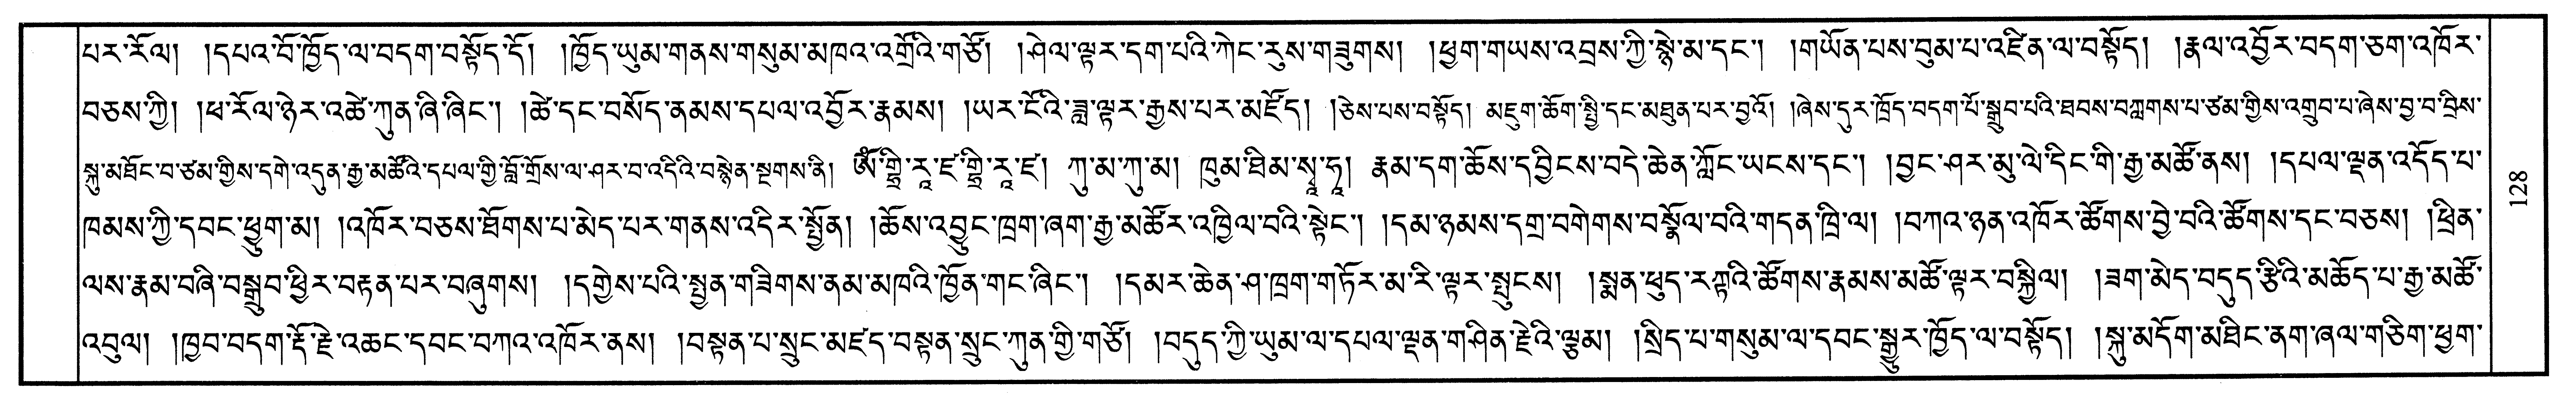པར་རོལ། །དཔའ་བོ་ཁྱོད་ལ་བདག་བསྟོད་དོ། །ཁྱོད་ཡུམ་གནས་གསུམ་མཁའ་འགྲོའི་གཙོ། །ཤེལ་ལྟར་དག་པའི་ཀེང་རུས་གཟུགས། །ཕྱག་གཡས་འབྲས་ཀྱི་སྙེ་མ་དང་། །གཡོན་པས་བུམ་པ་འཛིན་ལ་བསྟོད། །རྣལ་འབྱོར་བདག་ཅག་འཁོར་
བཅས་ཀྱི། །ཕ་རོལ་ཉེར་འཚེ་ཀུན་ཞི་ཞིང་། །ཚེ་དང་བསོད་ནམས་དཔལ་འབྱོར་རྣམས། །ཡར་ངོའི་ཟླ་ལྟར་རྒྱས་པར་མཛོད། །ཅེས་པས་བསྟོད། མཇུག་ཆོག་སྤྱི་དང་མཐུན་པར་བྱའོ། །ཞེས་དུར་ཁྲོད་བདག་པོ་སྒྲུབ་པའི་ཐབས་བཀླགས་པ་ཙམ་གྱིས་འགྲུབ་པ་ཞེས་བྱ་བ་བྲིས་
སྐུ་མཐོང་བ་ཙམ་གྱིས་དགེ་འདུན་རྒྱ་མཚོའི་དཔལ་གྱི་བློ་གྲོས་ལ་ཤར་བ་འདིའི་བསྙེན་སྔགས་ནི། ཨོཾ་གྷྲི་རཱ་ཛ་གྷྲི་རཱ་ཛ། ཀུ་མ་ཀུ་མ། ཁུམ་ཐིམ་སྭཱ་ཧཱ། རྣམ་དག་ཆོས་དབྱིངས་བདེ་ཆེན་ཀློང་ཡངས་དང་། །བྱང་ཤར་མུ་ལེ་དིང་གི་རྒྱ་མཚོ་ནས། །དཔལ་ལྡན་འདོད་པ་
ཁམས་ཀྱི་དབང་ཕྱུག་མ། །འཁོར་བཅས་ཐོགས་པ་མེད་པར་གནས་འདིར་སྤྱོན། །ཆོས་འབྱུང་ཁྲག་ཞག་རྒྱ་མཚོར་འཁྱིལ་བའི་སྟེང་། །དམ་ཉམས་དགྲ་བགེགས་བསྣོལ་བའི་གདན་ཁྲི་ལ། །བཀའ་ཉན་འཁོར་ཚོགས་བྱེ་བའི་ཚོགས་དང་བཅས། །ཕྲིན་
ལས་རྣམ་བཞི་བསྒྲུབ་ཕྱིར་བརྟན་པར་བཞུགས། །དགྱེས་པའི་སྤྱན་གཟིགས་ནམ་མཁའི་ཁྱོན་གང་ཞིང་། །དམར་ཆེན་ཤ་ཁྲག་གཏོར་མ་རི་ལྟར་སྤུངས། །སྨན་ཕུད་རཀྟའི་ཚོགས་རྣམས་མཚོ་ལྟར་བསྐྱིལ། །ཟག་མེད་བདུད་རྩིའི་མཆོད་པ་རྒྱ་མཚོ་
འབུལ། །ཁྱབ་བདག་རྡོ་རྗེ་འཆང་དབང་བཀའ་འཁོར་ནས། །བསྟན་པ་སྲུང་མཛད་བསྟན་སྲུང་ཀུན་གྱི་གཙོ། །བདུད་ཀྱི་ཡུམ་ལ་དཔལ་ལྡན་གཤིན་རྗེའི་ལྕམ། །སྲིད་པ་གསུམ་ལ་དབང་སྒྱུར་ཁྱོད་ལ་བསྟོད། །སྐུ་མཆོག་མཐིང་ནག་ཞལ་གཅིག་ཕྱག་